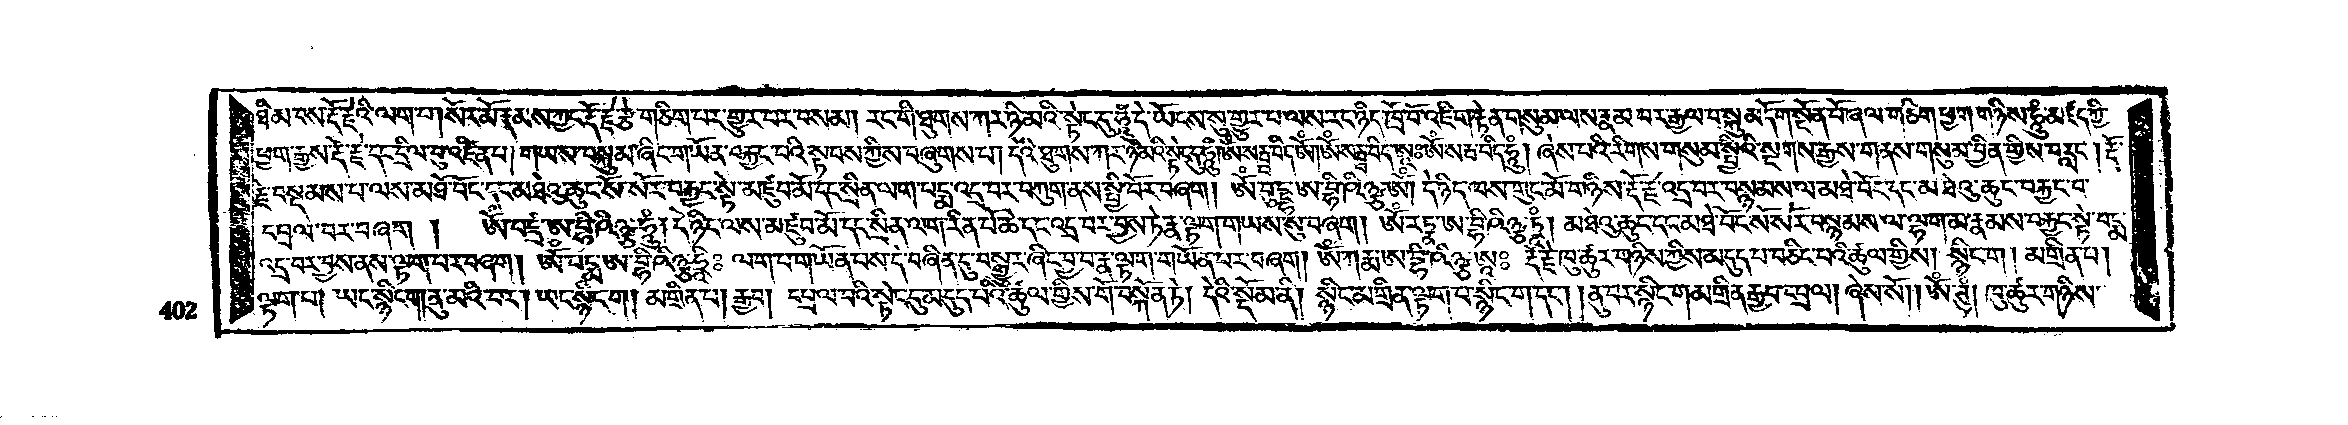ཐིམ་པས་རྡོ་རྗེའི་ལག་པ། སོར་མོ་རྣམས་ཀྱང་རྡོ་རྗེ་རྩེ་གཅིག་པར་གྱུར་པར་བསམ། རང་གི་ཐུགས་ཀར་ཉི་མའི་སྟེང་དུ་ཧཱུཾ་དེ་ཡོངས་སུ་གྱུར་པ་ལས་རང་ཉིད་ཁྲོ་བོ་འཇིག་རྟེན་གསུམ་ལས་རྣམ་པར་རྒྱལ་བ་སྐུ་མདོག་སྔོན་པོ་ཞལ་གཅིག་ཕྱག་གཉིས་ཧཱུཾ་མཛད་ཀྱི་
ཕྱག་རྒྱས་རྡོ་རྗེ་དང་དྲིལ་བུ་འཛིན་པ། གཡས་བསྐུམ་ཞིང་གཡོན་བརྐྱང་པའི་སྟབས་ཀྱིས་བཞུགས་པ། དེའི་ཐུགས་ཀར་ཉི་མའི་སྟེང་དུ་ཧཱུཾ། ཨོཾ་སརྦྦ་བིད་ཨོཾ། ཨོཾ་སརྦྦ་བིད་ཨཱཿ ཨོཾ་སརྦ་བིད་ཧཱུཾ། ཞེས་པའི་རིགས་གསུམ་སྤྱིའི་སྔགས་རྒྱས་གནས་གསུམ་བྱིན་གྱིས་བརླབ། རྡོ་
རྗེ་བསྡམས་པ་ལས་མཐོ་བོང་དང་མཐེའུ་ཆུང་སོ་སོར་བརྐྱང་སྟེ་མཛུབ་མོ་དང་སྲིན་ལག་པདམ་འདྲ་བར་བཀུག་ནས་སྤྱི་བོར་བཞག །ཨོཾ་བུདྡྷ་ཨ་བྷི་ཥིཉྩ་ཨོཾ། དེ་ཉིད་ལས་གུང་མོ་གཉིས་རྡོ་རྗེ་འདྲ་བར་བསྙམས་ལ་མཐེ་བོང་དང་མཐེའུ་ཆུང་བརྐྱང་བ་
དབྲལ་བར་བཞག །ཨོཾ་བཛྲ་ཨ་བྷི་ཥིཉྩ་ཧཱུཾཿ དེ་ཉིད་ལས་མཛུབ་མོ་དང་སྲིན་ལག་རིན་པོ་ཆེ་དང་འདྲ་བར་བྱས་ཏེ་རྣ་ལྟག་གཡས་སུ་བཞག །ཨོཾ་རཏྣ་ཨ་བྷི་ཥི་ཉྩ་ཏྲཱཾ། མཐེའུ་ཆུང་དང་མཐེ་བཽང་སོ་སོར་བསྙམས་ལ་ལྷག་མ་རྣམས་བརྐང་སྟེ་པདམ་
འདྲ་བར་བྱས་ནས་ལྟག་པར་བྷག་ཨོམ་པདམ་ཨ་བྷི་ཥི་ཉྩ་ཧཱྲི་H ལག་པ་གཡོན་པས་དེ་བཞིན་དུ་སྒྱུར་ཞིང་བྱ་བ་རྣ་ལྷག་གཡོན་པར་བཞག །ཨོཾ་ཀརྨ་ཨ་བྷི་ཥིཉྩ་ཨཱཿ རྡོ་རྗེ་ཁུ་ཚུར་གཉིས་ཀྱིས་མདུད་པ་བཅིང་བའི་ཚུལ་གྱིས། སྙིང་ག །མགྲིན་པ།
ལྟག་པ། ཡང་སྙིང་ག །ནུ་མའི་བར། ཡང་སྙིང་ག །མགྲིན་པ། རྒྱབ། དཔྲལ་བའི་སྟེང་དུ་མདུད་པའི་ཚུལ་གྱིས་གོ་བསྐོན་ཏེ། དེའི་སྡོམ་ནི། སྙིང་མགྲིན་ལྟག་པ་སྙིང་ག་དང་། །ནུ་བར་སྙིང་ག་མགྲིན་རྒྱབ་དཔྲལ། ཞེས་སོ། །ཨོཾ་ཊུཾ། ཁུ་ཚུར་གཉིས་